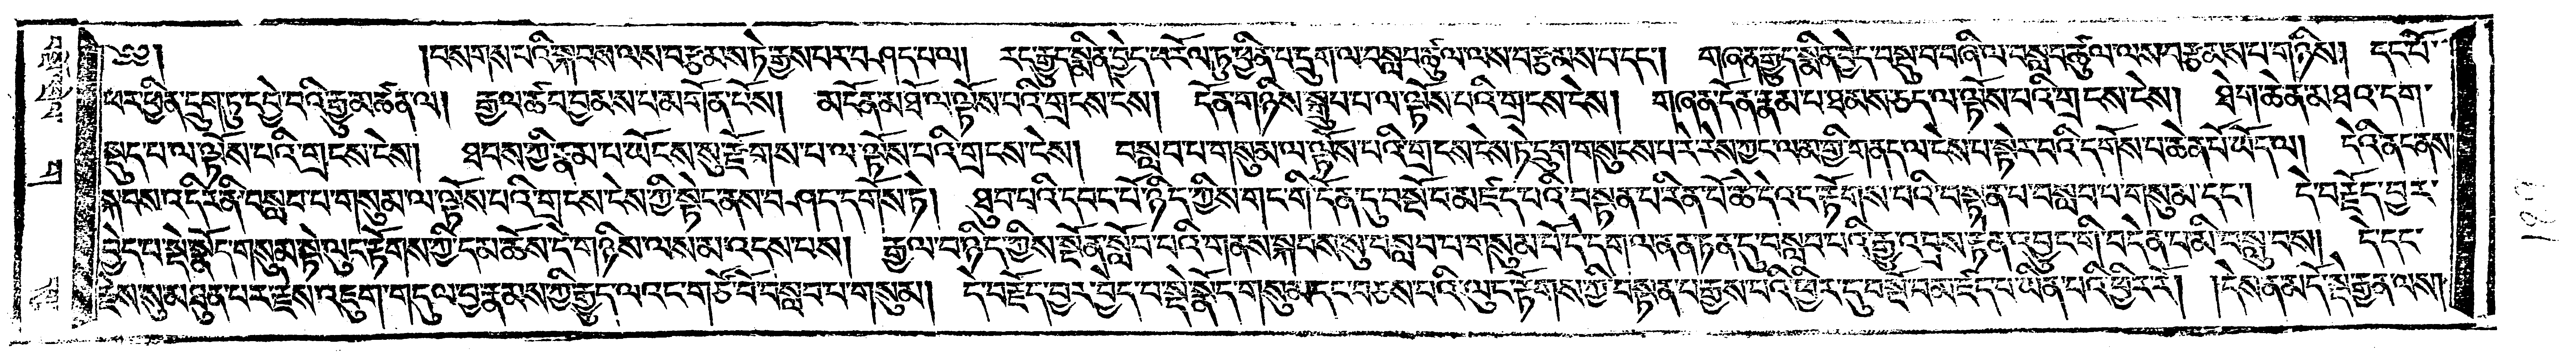༄༅། །བསགས་པའི་སྐབས་ལས་བརྩམས་ཏེ་རྒྱས་བར་བཤད་པ་ལ། རང་རྒྱུད་སྨིན་བྱེད་ཕ་རོལ་ཏུ་ཕྱིན་པ་དྲུག་ལ་བསླབ་ཚུལ་ལས་བརྩམས་པ་དང་། གཞན་རྒྱུད་སྨིན་བྱེད་བསྡུ་བ་བཞི་ལ་བསླབ་ཚུལ་ལས་བརྩམས་པ་གཉིས། དང་པོ་
ཕར་ཕྱིན་དྲུག་ཏུ་དབྱེ་བའི་རྒྱུ་མཚན་ལ། རྒྱལ་ཚབ་བྱམས་པ་མགོན་པོས། མངོན་མཐོ་ལ་ལྟོས་པའི་གྲངས་ངེས། དོན་གཉིས་སྒྲུབ་པ་ལ་ལྟོས་པའི་གྲངས་ངེས། གཞན་དོན་རྣམ་པ་ཐམས་ཅད་ལ་ལྟོས་པའི་གྲངས་ངེས། ཐེག་ཆེན་མཐའ་དག་
སྡུད་པ་ལ་ལྟོས་པའི་གྲངས་ངེས། ཐབས་ཀྱི་རྣམ་པ་ཡོངས་སུ་རྫོགས་པ་ལ་ལྟོས་པའི་གྲངས་ངེས། བསླབ་པ་གསུམ་ལ་ལྟོས་པའི་གྲངས་ངེས་ཏེ་དྲུག་གསུངས་པ་རེ་རེས་ཀྱང་ལམ་གྱི་གནད་ལ་ངེས་པ་སྟེར་བའི་དགོས་པ་ཆེན་པོ་ཡོད་ལ། དེའི་ནང་ནས་
སྐབས་འདིར་ནི་བསླབ་པ་གསུམ་ལ་ལྟོས་པའི་གྲངས་ངེས་ཀྱི་སྟེང་ནས་བཤད་དགོས་ཏེ། ཐུབ་པའི་དབང་པོ་ཉིད་ཀྱིས་གང་གི་དོན་དུ་བསྔོ་བ་མཛད་པའི་བསྟན་པ་རིན་པོ་ཆེ་དེའང་རྟོགས་པའི་བསྟན་པ་བསླབ་པ་གསུམ་དང་། དེ་བརྗོད་བྱར་
བྱེད་པ་སྡེ་སྣོད་གསུམ་སྟེ་ལུང་རྟོགས་ཀྱི་དམ་ཆོས་དེ་གཉིས་ལས་མ་འདས་པས། རྒྱལ་བ་ཉིད་ཀྱིས་སྔོན་སློབ་པའི་གནས་སྐབས་སུ་བསླབ་པ་གསུམ་པོ་དེ་དག་ལན་ན་ཏན་དུ་བསླབ་པའི་རྒྱུ་འབྲས་རྟེན་འབྱུང་གི་བདེན་པ་མི་བསླུ་བས། དེ་དང་
རྗེས་སུ་མཐུན་པར་རྗེས་འཇུག་གདུལ་བྱ་རྣམས་ཀྱི་རྒྱུད་ལའང་གཙོ་བོ་བསླབ་པ་གསུམ། དེ་བརྗོད་བྱར་བྱེད་པ་སྡེ་སྣོད་གསུམ་དང་བཅས་པའི་ལུང་རྟོགས་ཀྱི་བསྟན་པ་རྒྱས་པའི་ཕྱིར་དུ་བསྔོ་བ་མཛད་པ་ཡིན་པའི་ཕྱིར་རོ། །དེས་ན་མདོ་སྡེ་རྒྱན་ལས།